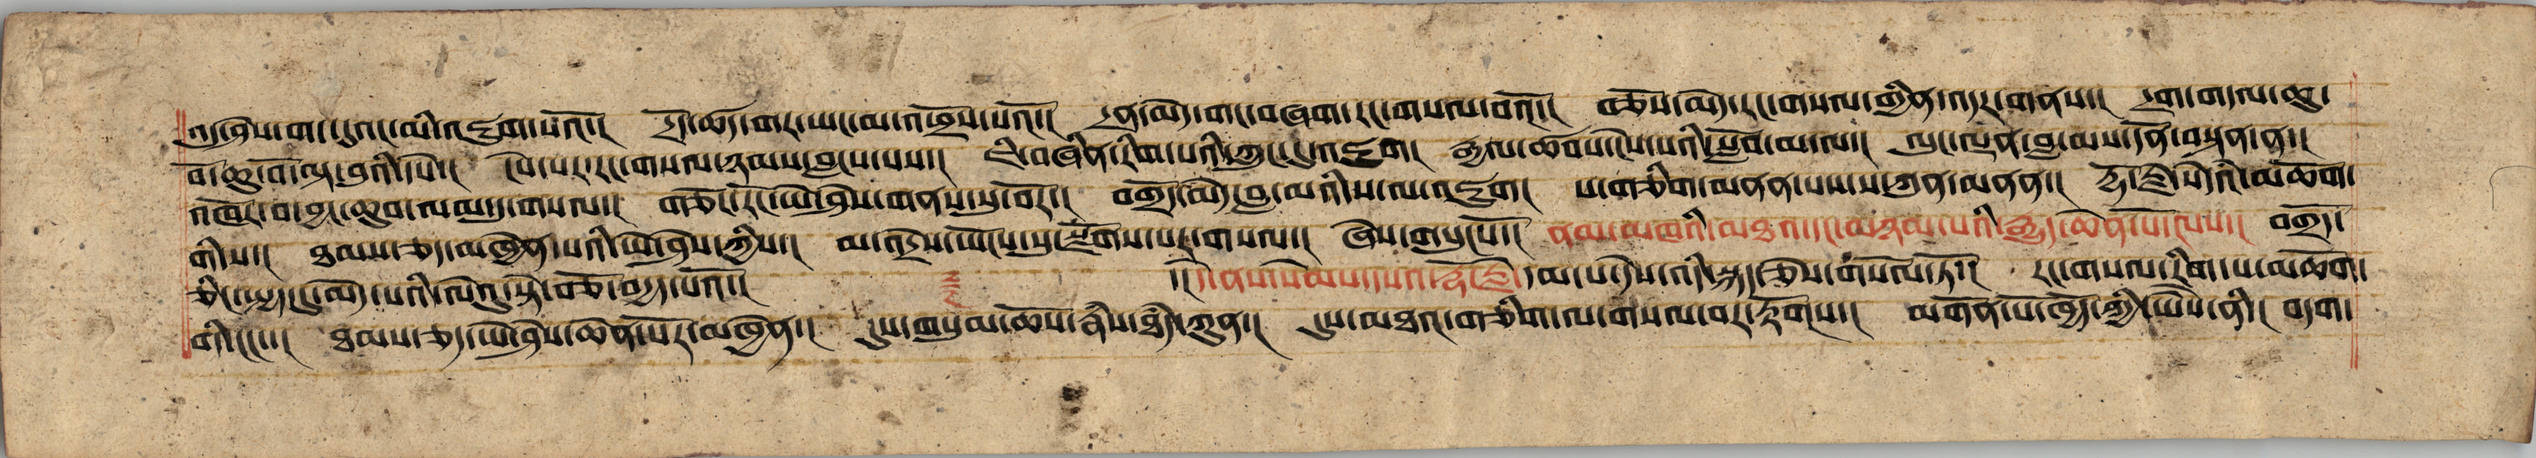འདུ་ཤེས་གང་དུའང་མི་འཇུག་པའོ་། དྲོད་ཚད་གར་ཡང་མ་འཕྲོས་པའོ་། དྲན་མེད་གང་བཞག་རང་གསལ་བའོ་། བཅོས་མེད་རང་གསལ་གྱིན་འདར་གནས་། དྲག་གདལ་ཆུ་
བོ་ཆུ་བོ་ལྟ་བུའི་དཔེ་། ངེས་པར་རང་གསལ་ཉམས་བླངས་པས་། ཇི་བཞིན་རིག་པའི་ཀླུང་དུ་འཇུག། རྒྱལ་ཚབས་ངེས་པའི་སློབ་མ་ལ་། ལུང་ལྡན་བླ་མས་དོན་བསྟན་ན་།
འཁོར་བ་བྱང་ཆུབ་ལམ་དུ་གསལ་། གཅོང་རོང་ཡེ་ཤེས་གནས་སུ་བོར་། བགྲོད་མེད་བླ་མའི་ས་ལ་འཇུག། ས་གཅིག་མནན་པས་ས་ཀུན་མནན་། རྡོ་རྗེ་སེདཾའ་མཆོག་
གི་ས་། ཐམས་ཅད་མཁྱེན་པའི་ཡེ་ཤེས་ཀྱིས་། མ་འདྲེས་ཡོངས་སུ་སྫོགས་པར་གསལ་། ཞེས་གསུངསོ་། ནམ་མཁའི་མཐའ་དང་མཉམ་པའི་རྒྱུད་ཆེན་པོ་ལས་། བགྲོད་
ཅིང་སྤྱད་དུ་མེད་པའི་ལེའུ་སྟེ་བཅོ་བདྱད་པའོ་། ࿑ ་།དེ་ནས་སེམས་དཔའ་རྡོ་རྗེ་དམ་པ་དེས་འདི་སྐད་ཅེས་གསོལ་ཏོ་། རང་གསལ་རིག་པ་མཆོག་
གི་ངང་་། ཐམས་ཅད་ཡེ་ཤེས་ཆེན་པོར་མཁྱེན་། དུས་གསུམ་ཆོས་རྣཾས་ཐཾད་ཀུན་། དུས་མཐའ་གཅིག་ལ་གསལ་བར་རྟོགས་། མགོན་པོ་ཁྱོད་ཀྱི་ཡཻས་ནི་། བདག་